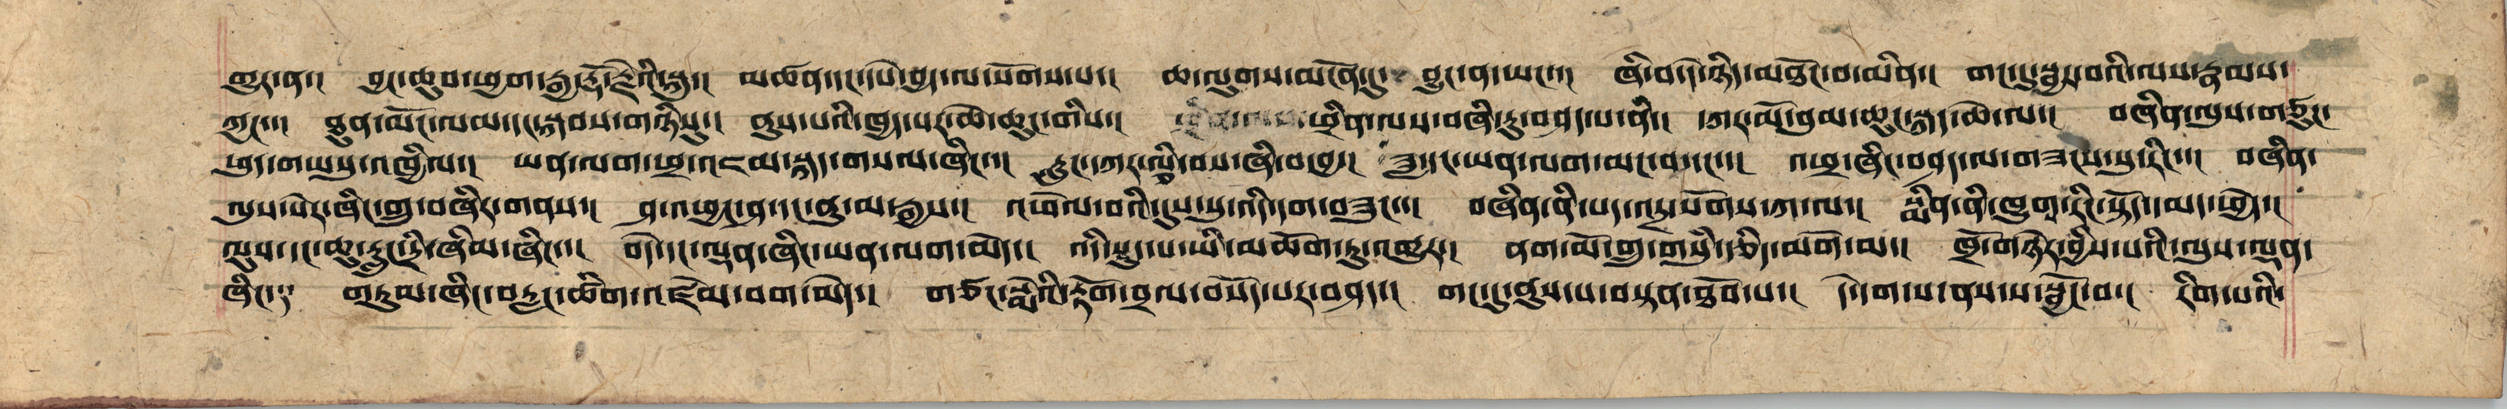གྱུར་ན། བྱང་ཆུབ་ཕྱག་རྒྱ་རྡོ་རྗེའི་སྐུ་། མཚན་དང་དཔེ་བྱད་ལ་སོགས་པ་། ཆ་ལུགས་མངོན་དུ་ བྱུང་ན་ཡང་་། ཞི་བ་དེ་ཉིད་མཐོང་བ་ཡིན་། གང་དུ་སྦྱར་བའི་ལས་རྣམས་
ཀྱང་་། ཐུན་མོང་ལམ་དང་སྐབས་གཉིསུ་། ནུས་པའི་ཁྱད་པར་ཆེ་ཆུང་གིས་། ཕྲིན་ལས་བཞི་རུ་བཤད་པ་ནི་། དཀར་མོ་བུམ་ཆུང་སྐད་ཆེ་ལ་། བཞིན་ལུས་གཙུང་
ཕུད་གཡསུ་འཁྱིལ་། ཡན་ལག་ཕྲ་འཇམ་སྐད་གསལ་ཞིང་་། རླུང་དཀར་ལྕི་བས་ཞི་བ་བྱ་། ཟླ་དང་ཡན་ལག་མང་བ་དང་་། འཕྲ་ཞིང་བཤད་ལ་གཟངས་སུ་རིང་་། བཞིན་
ལུས་སེར་ཞིང་གྲུ་བཞིར་གནས་། ཤ་འཕྱང་ཤ་དང་ནུ་མ་རྒྱས་། འཕེལ་བའི་དུས་སུ་འདི་དག་བཟུང་་། བཞིན་ནི་པད་འདྲ་སོགས་ཀ་ལ་། སྨིན་ནི་ཁྱུག་རིང་སྟོད་དམད་ཕྱེད་།
ལུས་དང་ཆུ་རླུང་དྲི་ཞིམ་ཞིང་་། བདེ་དང་ལྡན་ཞིང་ཡན་ལག་མེད་། འདི་སྡུད་པ་ཡི་མཆོག་ཏུ་འགྱུར་། ནག་མོ་གྲུ་གསུཾ་རྩིད་མགོ་མ་། ཁྲོ་གཉེར་བྱིས་པའི་ལུས་ལྡན་
ཞིང་༑ གཏུམ་ཞིང་བརླང་ཚིག་འཛེམ་བག་མེད་། གཙང་སྨེའི་རྟོག་བྲལ་བསོད་པར་བཤད་། གང་དུ་ནུས་པ་བསྟན་ཐོབ་པ་། དེ་དག་ས་ནས་ས་སྦྱོང་བ་། རིག་པའི་